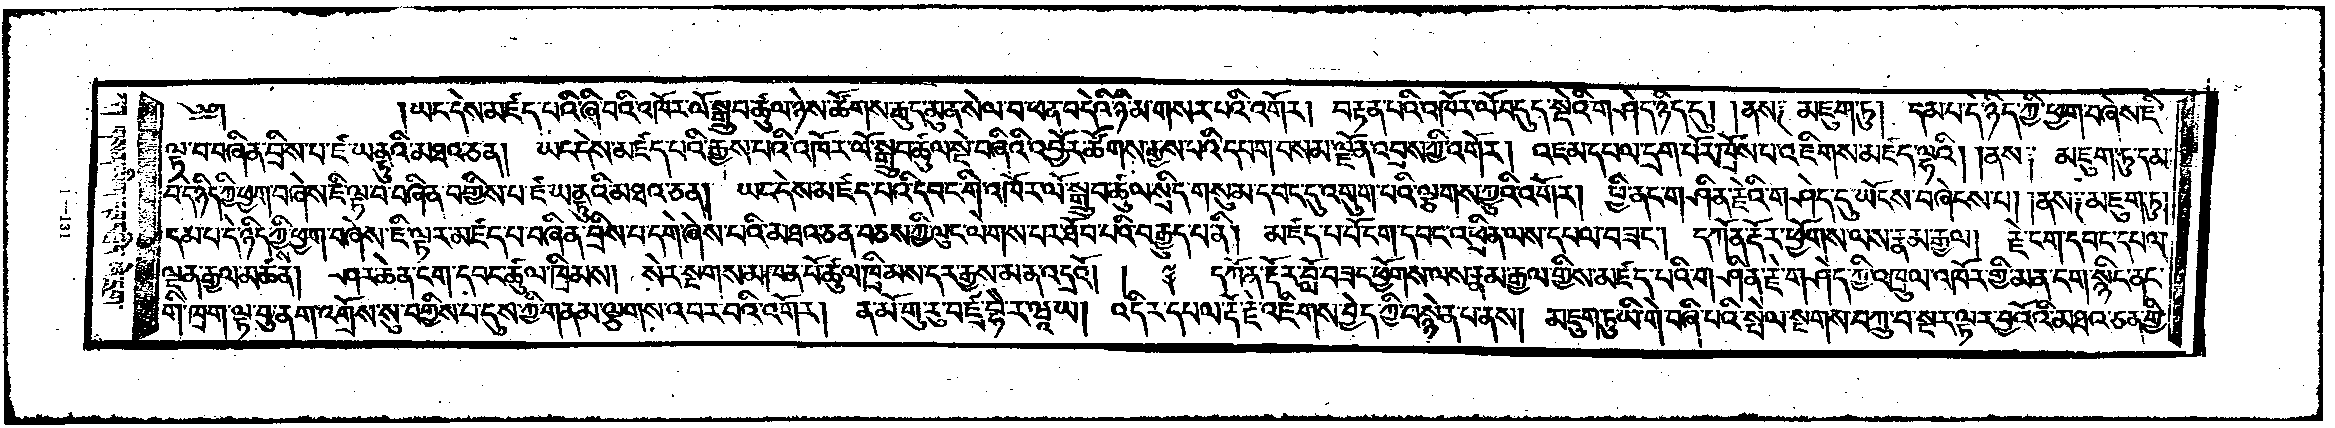༄༅། །ཡང་དེས་མཛད་པའི་ཞི་བའི་འཁོར་ལོ་སྒྲུབ་ཚུལ་ཉེས་ཚོགས་རྒྱུད་མུན་སེལ་བ་ཕན་བདེའི་ཉི་མ་གསར་པའི་འགོར། བརྟན་པའི་འཁོར་ལོ་བདུད་སྡེའི་གཤེད་ཉིད་དུ། །ནས༑ མཇུག་ཏུ། དམ་པ་དེ་ཉིད་ཀྱི་ཕྱག་བཞེས་ཇི་
ལྟ་བ་བཞིན་བྲིས་པ་ཛ་ཡནྟུའི་མཐའ་ཅན། ཡང་དེས་མཛད་པའི་རྒྱས་པའི་འཁོར་ལོ་སྒྲུབ་ཚུལ་སྡེ་བཞིའི་འབྱོར་ཚོགས་རྒྱས་པའི་དཔག་བསམ་ལྗོན་འབྲས་ཀྱི་འགོར། འཇམ་དཔལ་དྲག་པོར་ཁྲོས་པ་འཇིགས་མཛད་ལྷའི། །ནས༑ མཇུག་ཏུ་དམ་
བ་དེ་ཉིད་ཀྱི་ཕྱག་བཞེས་ཇི་ལྟ་བ་བཞིན་བགྱིས་པ་ཛ་ཡནྟུའི་མཐའ་ཅན། ཡང་དེས་མཛད་པའི་དབང་གི་འཁོར་ལོ་སྒྲུབ་ཚུལ་སྲིད་གསུམ་དབང་དུ་འགུག་པའི་ལྕགས་ཀྱུའི་འགོར། ཕྱི་ནང་གཤིན་རྗེའི་གཤེད་དུ་ཡོངས་བཞེངས་པ། །ནས༑ མཇུག་ཏུ།
དམ་པ་དེ་ཉིད་ཀྱི་ཕྱག་བཞེས་ཇི་ལྟར་མཛད་པ་བཞིན་བྲིས་པ་དགེ་ཞེས་པའི་མཐའ་ཅན་བཅས་ཀྱི་ལུང་ལེགས་པར་ཐོབ་པའི་བརྒྱུད་པ་ནི། མཛད་པ་པོ་ངག་དབང་འཕྲིན་ལས་དཔལ་བཟང་། དཀོན་རྡོར་ཕྱོགས་ལས་རྣམ་རྒྱལ། རྗེ་ངག་དབང་དཔལ་
ལྡན་རྒྱལ་མཚན། ཤར་ཆེན་ངག་དབང་ཚུལ་ཁྲིམས། སེར་སྔགས་མཁན་པོ་ཚུལ་ཁྲིམས་དར་རྒྱས་མན་འདྲའོ། ། ༈ དཀོན་རྡོར་བློ་བཟང་ཕྱོགས་ལས་རྣམ་རྒྱལ་གྱིས་མཛད་པའི་གཤིན་རྗེ་གཤེད་ཀྱི་འཁྲུལ་འཁོར་གྱི་མན་ངག་སྙིང་ནང་
གི་ཁྲག་ལྟ་བུ་ནག་འགྲོས་སུ་བགྱིས་པ་དུས་ཀྱི་གནམ་ལྕགས་འབར་བའི་འགོར། ན་མོ་གུ་རུ་བཛྲ་བྷཻ་ར་ཝཱ་ཡ། འདིར་དཔལ་རྡོ་རྗེ་འཇིགས་བྱེད་ཀྱི་བསྙེན་པ་ནས། མཇུག་ཏུ་ཡི་གེ་བཞི་པའི་སྤེལ་སྔགས་བཀྲུ་བ་སྔར་ལྟར་བྱའོའི་མཐའ་ཅན་གྱི་